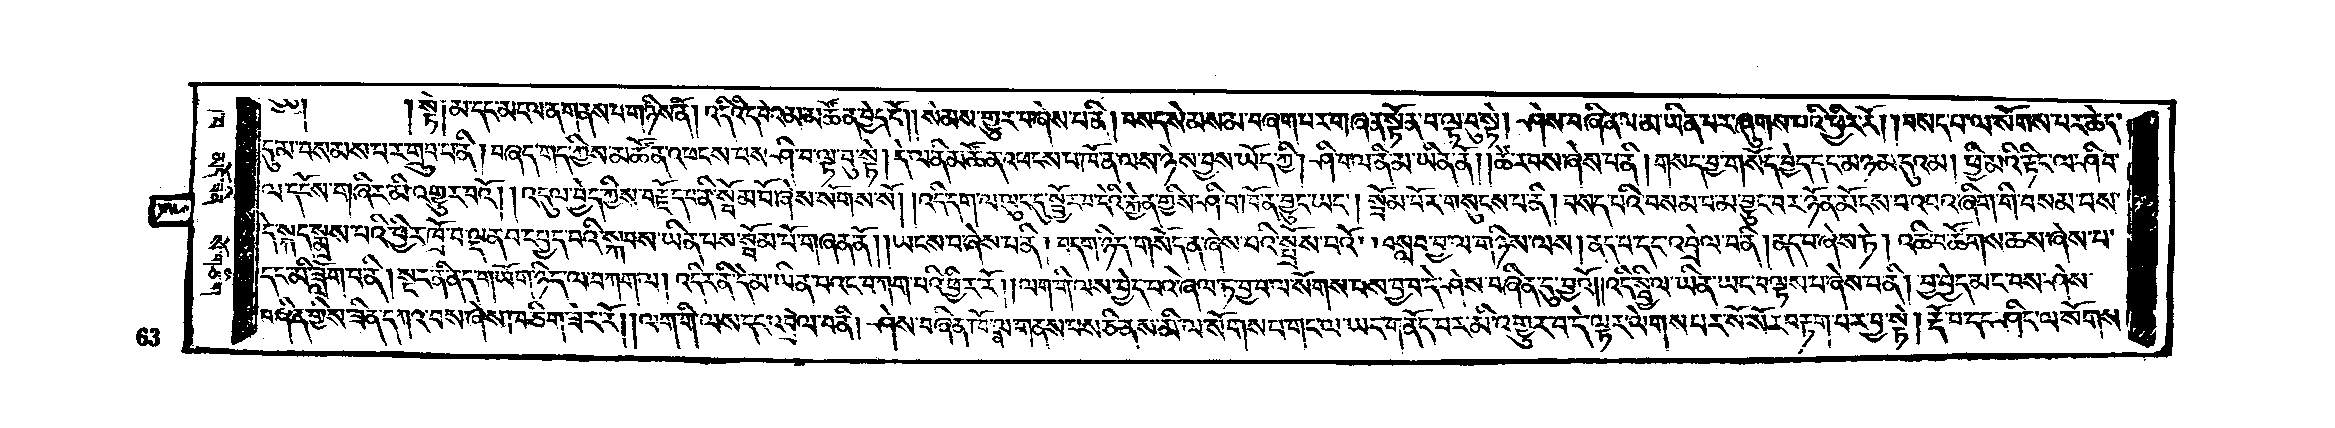༄༅། །སྟེ། མ་དང་མངལ་ན་གནས་པ་གཉིས་ནི། འདིའི་དཔེའམ་མཚེན་བྱེད་དོ། །སེམས་གྱུར་པ་ཞེས་པ་ནི། བསད་སེམས་མ་བཞག་པར་གཞན་སྟོན་པ་ལྟ་བུ་སྟེ། ཤེས་བཞིན་ལམ་ཡིན་པར་ཞུགས་པའི་ཕྱིར་རོ། །བསད་པ་ལ་སོགས་པར་ཆེད་
དུ་མ་བསམས་པར་གྲུབ་པ་ནི། བཞད་གད་ཀྱིས་མཚོན་འཕངས་པས་ཤི་བ་ལྟ་བུ་སྟེ། དེ་ལ་ནི་མཚོན་འཕངས་པ་ཁོ་ན་ལས་ཉེས་བྱས་ཡོད་ཀྱི། ཤི་བ་ལ་ནི་མ་ཡིན་ནོ། །ཚེ་རབས་ཞེས་པ་ནི། གསད་བྱ་གསོད་བྱེད་དང་མཉམ་དུའམ། ཕྱི་མའི་རྟིང་ལ་ཤིབ་
ལ་དངོས་གཞིར་མི་འགྱུར་བའོ། །འདུལ་བྱེད་ཀྱིས་བརྗོད་པ་ནི་སྦོམ་པོ་ཞེས་སོགས་སོ། །འདི་དག་ལ་ལུང་དུ་སྦྱོར་བ་དེའི་རྐྱེན་གྱིས་ཤི་བ་ཁོ་ན་བྱུང་ཡང་། སྦོམ་པོར་གསུངས་པ་ནི། བསད་པའི་བསམ་པ་མ་བྱུང་བར་ཉོན་མོངས་པ་འབའ་ཞིག་གི་བསམ་པས་
དེ་སྐད་སྨྲས་པའི་ཕྱིར་ཁྲོ་བ་ལྡན་པ་དཔྱད་པའི་སྐབས་ཡིན་པས་སྦོམ་པོ་གཞན་ནོ། །ཡངས་པ་ཞེས་པ་ནི། བདག་ཉིད་གསོད་ན་ཞེས་པའི་སྤྲོས་པའོ། །བསླབ་བྱ་ལ་གཉིས་ལས། ནད་པ་དང་འབྲེལ་བ་ནི། ནད་པ་ཞེས་ཏེ། འཆི་བ་ཚོགས་ཆས་ཞེས་པ་
དང་མི་ཟློག་པ་ནི། སྔར་ནི་ནད་གཡོག་ཉིད་ལ་བཀག་ལ། འདིར་ནི་དེ་མ་ཡིན་པའང་བཀག་པའི་ཕྱིར་རོ། །ལག་གི་ལས་བྱེད་པའི་ཞལ་ཏ་བྱ་བ་ལ་སོགས་པས་བྱ་བ་དེ་ཤེས་བཞིན་དུ་བྱའོ། །འདི་སྤྱི་ལ་ཡིན་ཡང་བལྟས་པ་ཞེས་པ་ནི། བྱ་བྱེད་མང་བས་ཤེས་
བཞིན་གྱིས་ཟིན་དཀའ་བས་ཞས་ཁ་ཅིག་ཟེར་རོ། །ལག་གི་ལས་དང་འབྲེལ་བ་ནི། ཤེས་བཞིན་ཁོ་ན་ལ་གནས་པས་ཅི་ནས་མི་ལ་སོགས་པ་གང་ལ་ཡང་གནོད་པར་མི་འགྱུར་བ་དེ་ལྟར་ལེགས་པར་སོ་སོར་བརྟག་པར་བྱ་སྟེ། རྡོ་བ་དང་ཤིང་ལ་སོགས་